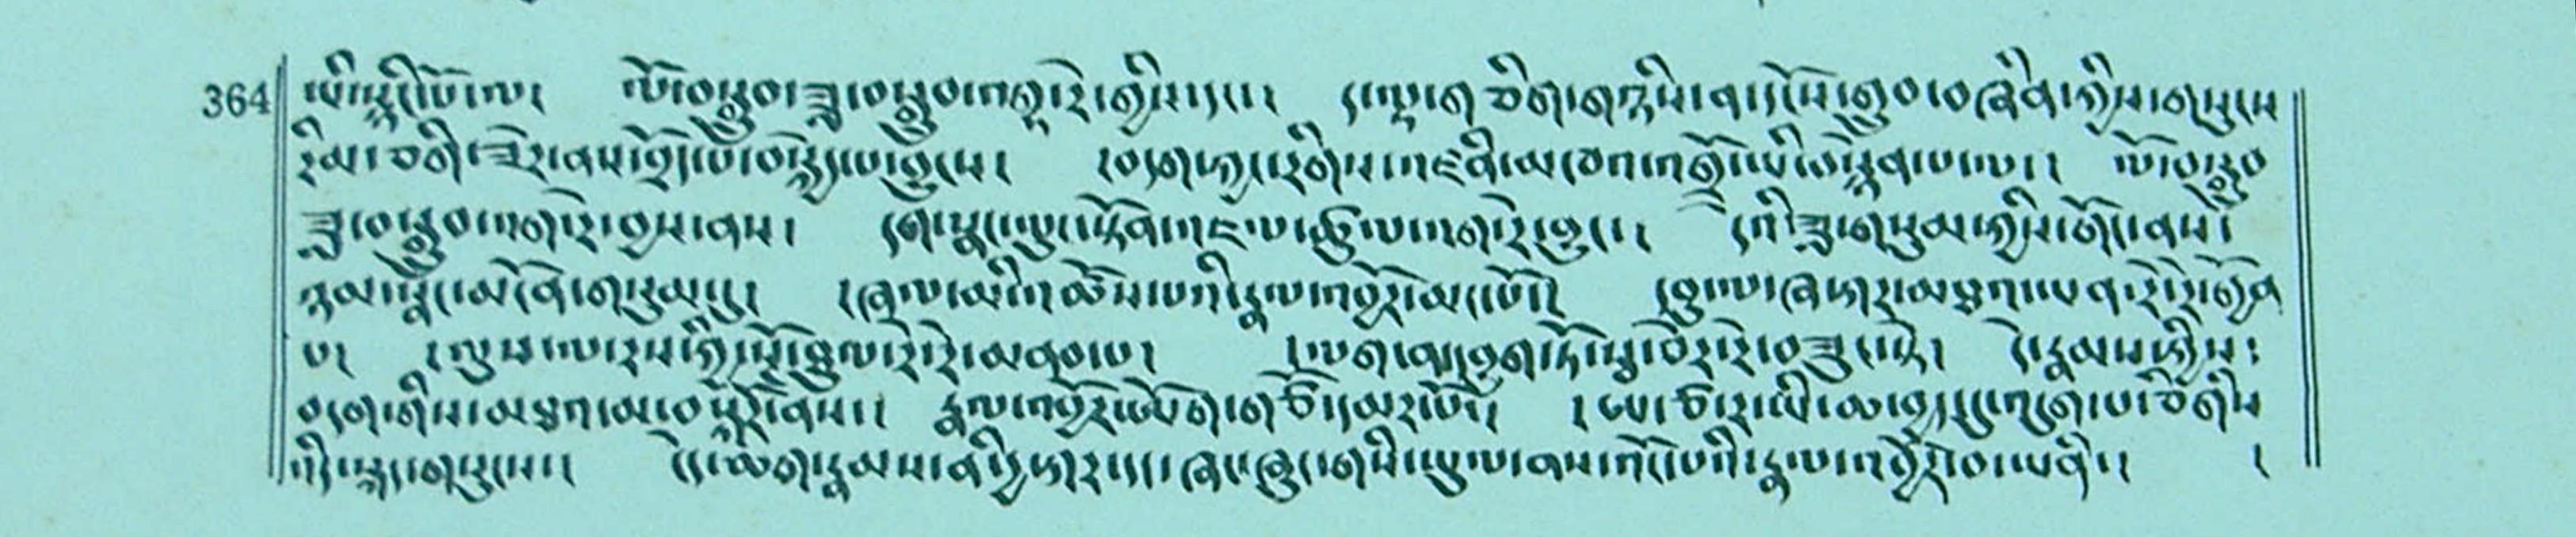ཡི་སྙིང་པོ་ལགས། ལོ་སྒྲུབ་ཟླ་སྒྲུབ་འགའ་རེ་གྱིས་དང་། ད་ལྟ་གཅིག་གཉིས་ན་དངོས་གྲུབ་བཞིན་གྱིས་གསུངས། 
རིམ་ཅིག་ཟེར་ནས་བྲོད་པ་བསྐྱེད་པ་བྱུང་། བདག་ཀྱང་རིགས་འཛིན་མཁའ་འགྲོ་ཡི་བསྙེན་པ་ལ། ལོ་བསྒྲུབ་
ཟླ་བསྒྲུབ་འགའ་རེ་བྱས་ནས། དག་སྣང་ལུང་སྟོན་མཇལ་ཚུལ་འགའ་རེ་བྱུང་། དེའི་ཟླ་གསུམ་གྱིས་གོང་ནས་
ཉམས་སྣང་མངོན་སུམ་དུ། ཞལ་མི་འཚོས་བའི་རྣལ་འབྱོར་མང་པོ། དབུ་ལ་ཞྭ་དཀར་མཐའ་ཡན་རེ་རེ་གྱོན་
པ། ལུས་ལ་རས་ཀྱི་སྔོ་ཐུལ་རེ་རེ་མནབས་པ། ལག་ན་དབྱུག་ཏོ་སྦ་བེར་རེ་རེ་བཟུང་ཏེ། དེ་རྣམས་ཀྱིས་
བདག་གི་མཐའ་མ་བསྐོར་ནས། རྣལ་འབྱོར་ཨོག་ཚོམ་དམར་པོ། ཨ་ཙ་ར་ཡི་ཆ་བྱད་དུ་འདུག་པ་གཅིག་གིས་
འདི་སྐད་གསུངས། ངེད་ཅག་རྣམས་ནི་རྒྱ་གར་དང་ཞང་ཞུང་གི་ཡུལ་ནས་འོང་བའི་རྣལ་འབྱོར་བ་ཡིན།